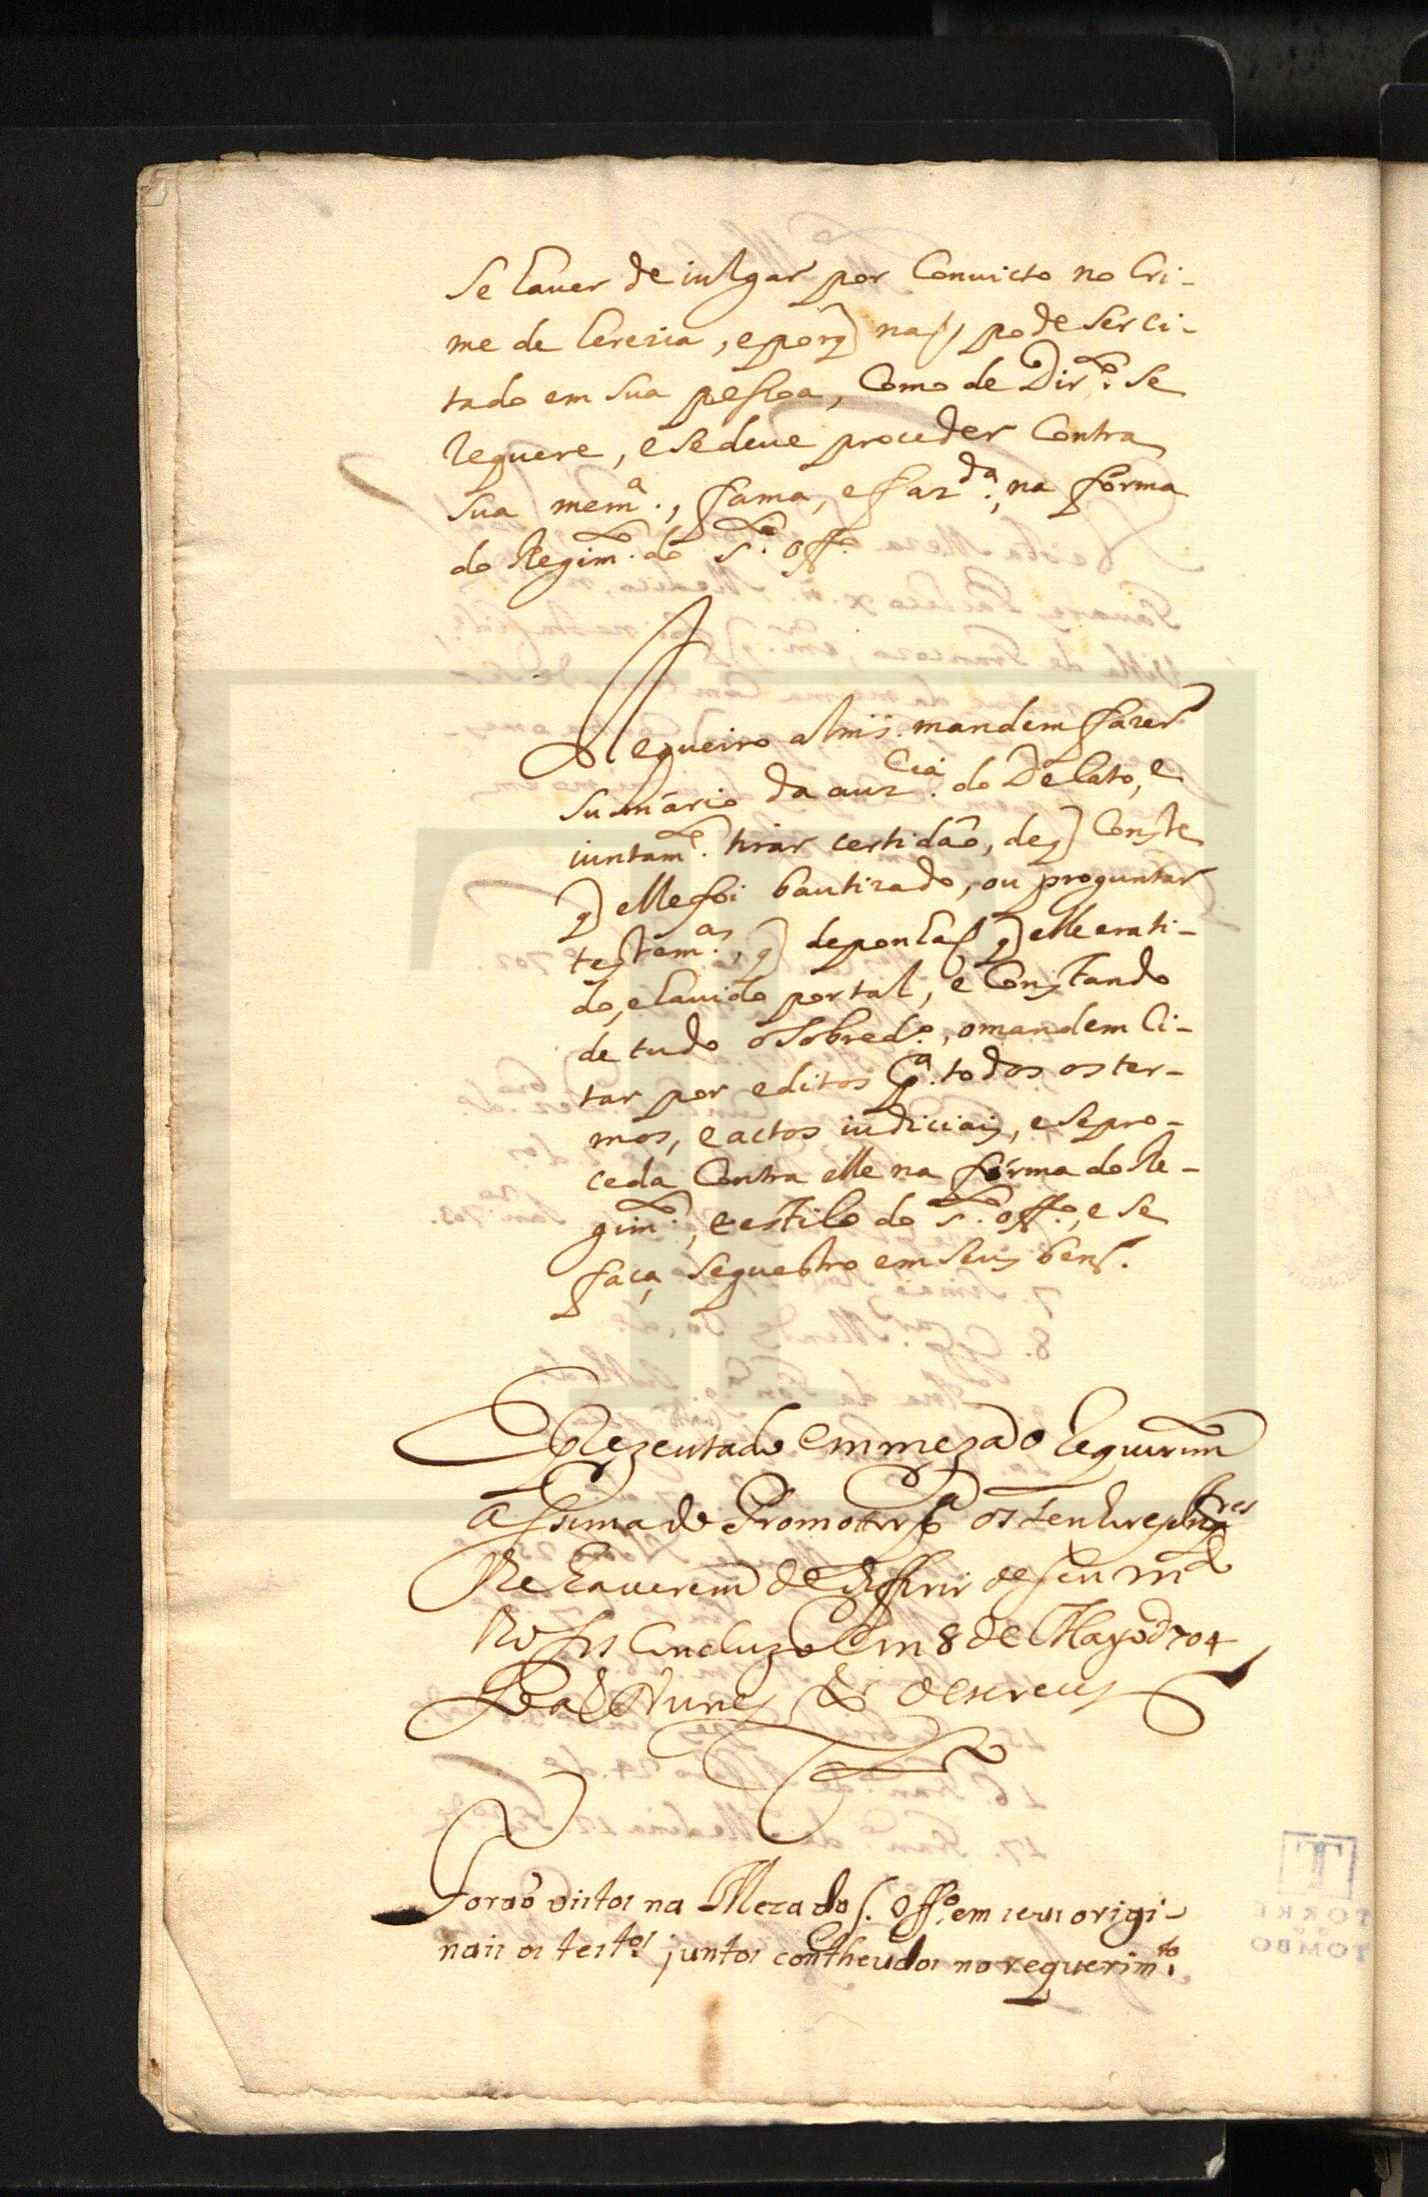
se hauer de iulgar por Conuicto no Cri
me de herezia, e porq̄ naõ pode ser ci
tado em sua pessoa, Como de Dir.to se
Requere, e se deue proceder Contra
sua mema., fama, e faz.da, na forma
do Regim.to do s.to off.o
Requeiro a Vms mandem fazer
Sumário da auz.cia do Delato, e
iuntam.te tirar certidaõ, de q̄ Conste
q̄ elle foi bautizado, ou proguntar
testem.as, q̄ deponhaꝭ q̄ elle era ti
do, e hauido por tal, e Constando
de tudo o sobred.o, o mandem Ci
tar por editos p.a todos os ter
mos, e actos iudiciais, e se pro
ceda Contra elle na forma do Re
gim.to e estilo do s.to off.o, e se
faça sequestro em seus bens.
E pRezentado em meza o Requerim.to
assima do Promotor pa os senhores Inqres
lhe hauerem do differir de seu mdo
lho fis Concluzo Em 8 de Mayo d̄ 704
Joaõ Nunes Xer o escreuj
CLo
Foraõ vistos na Meza do S. Off.o em seus origi
nais os test.os juntos contheudos no requerim.to
